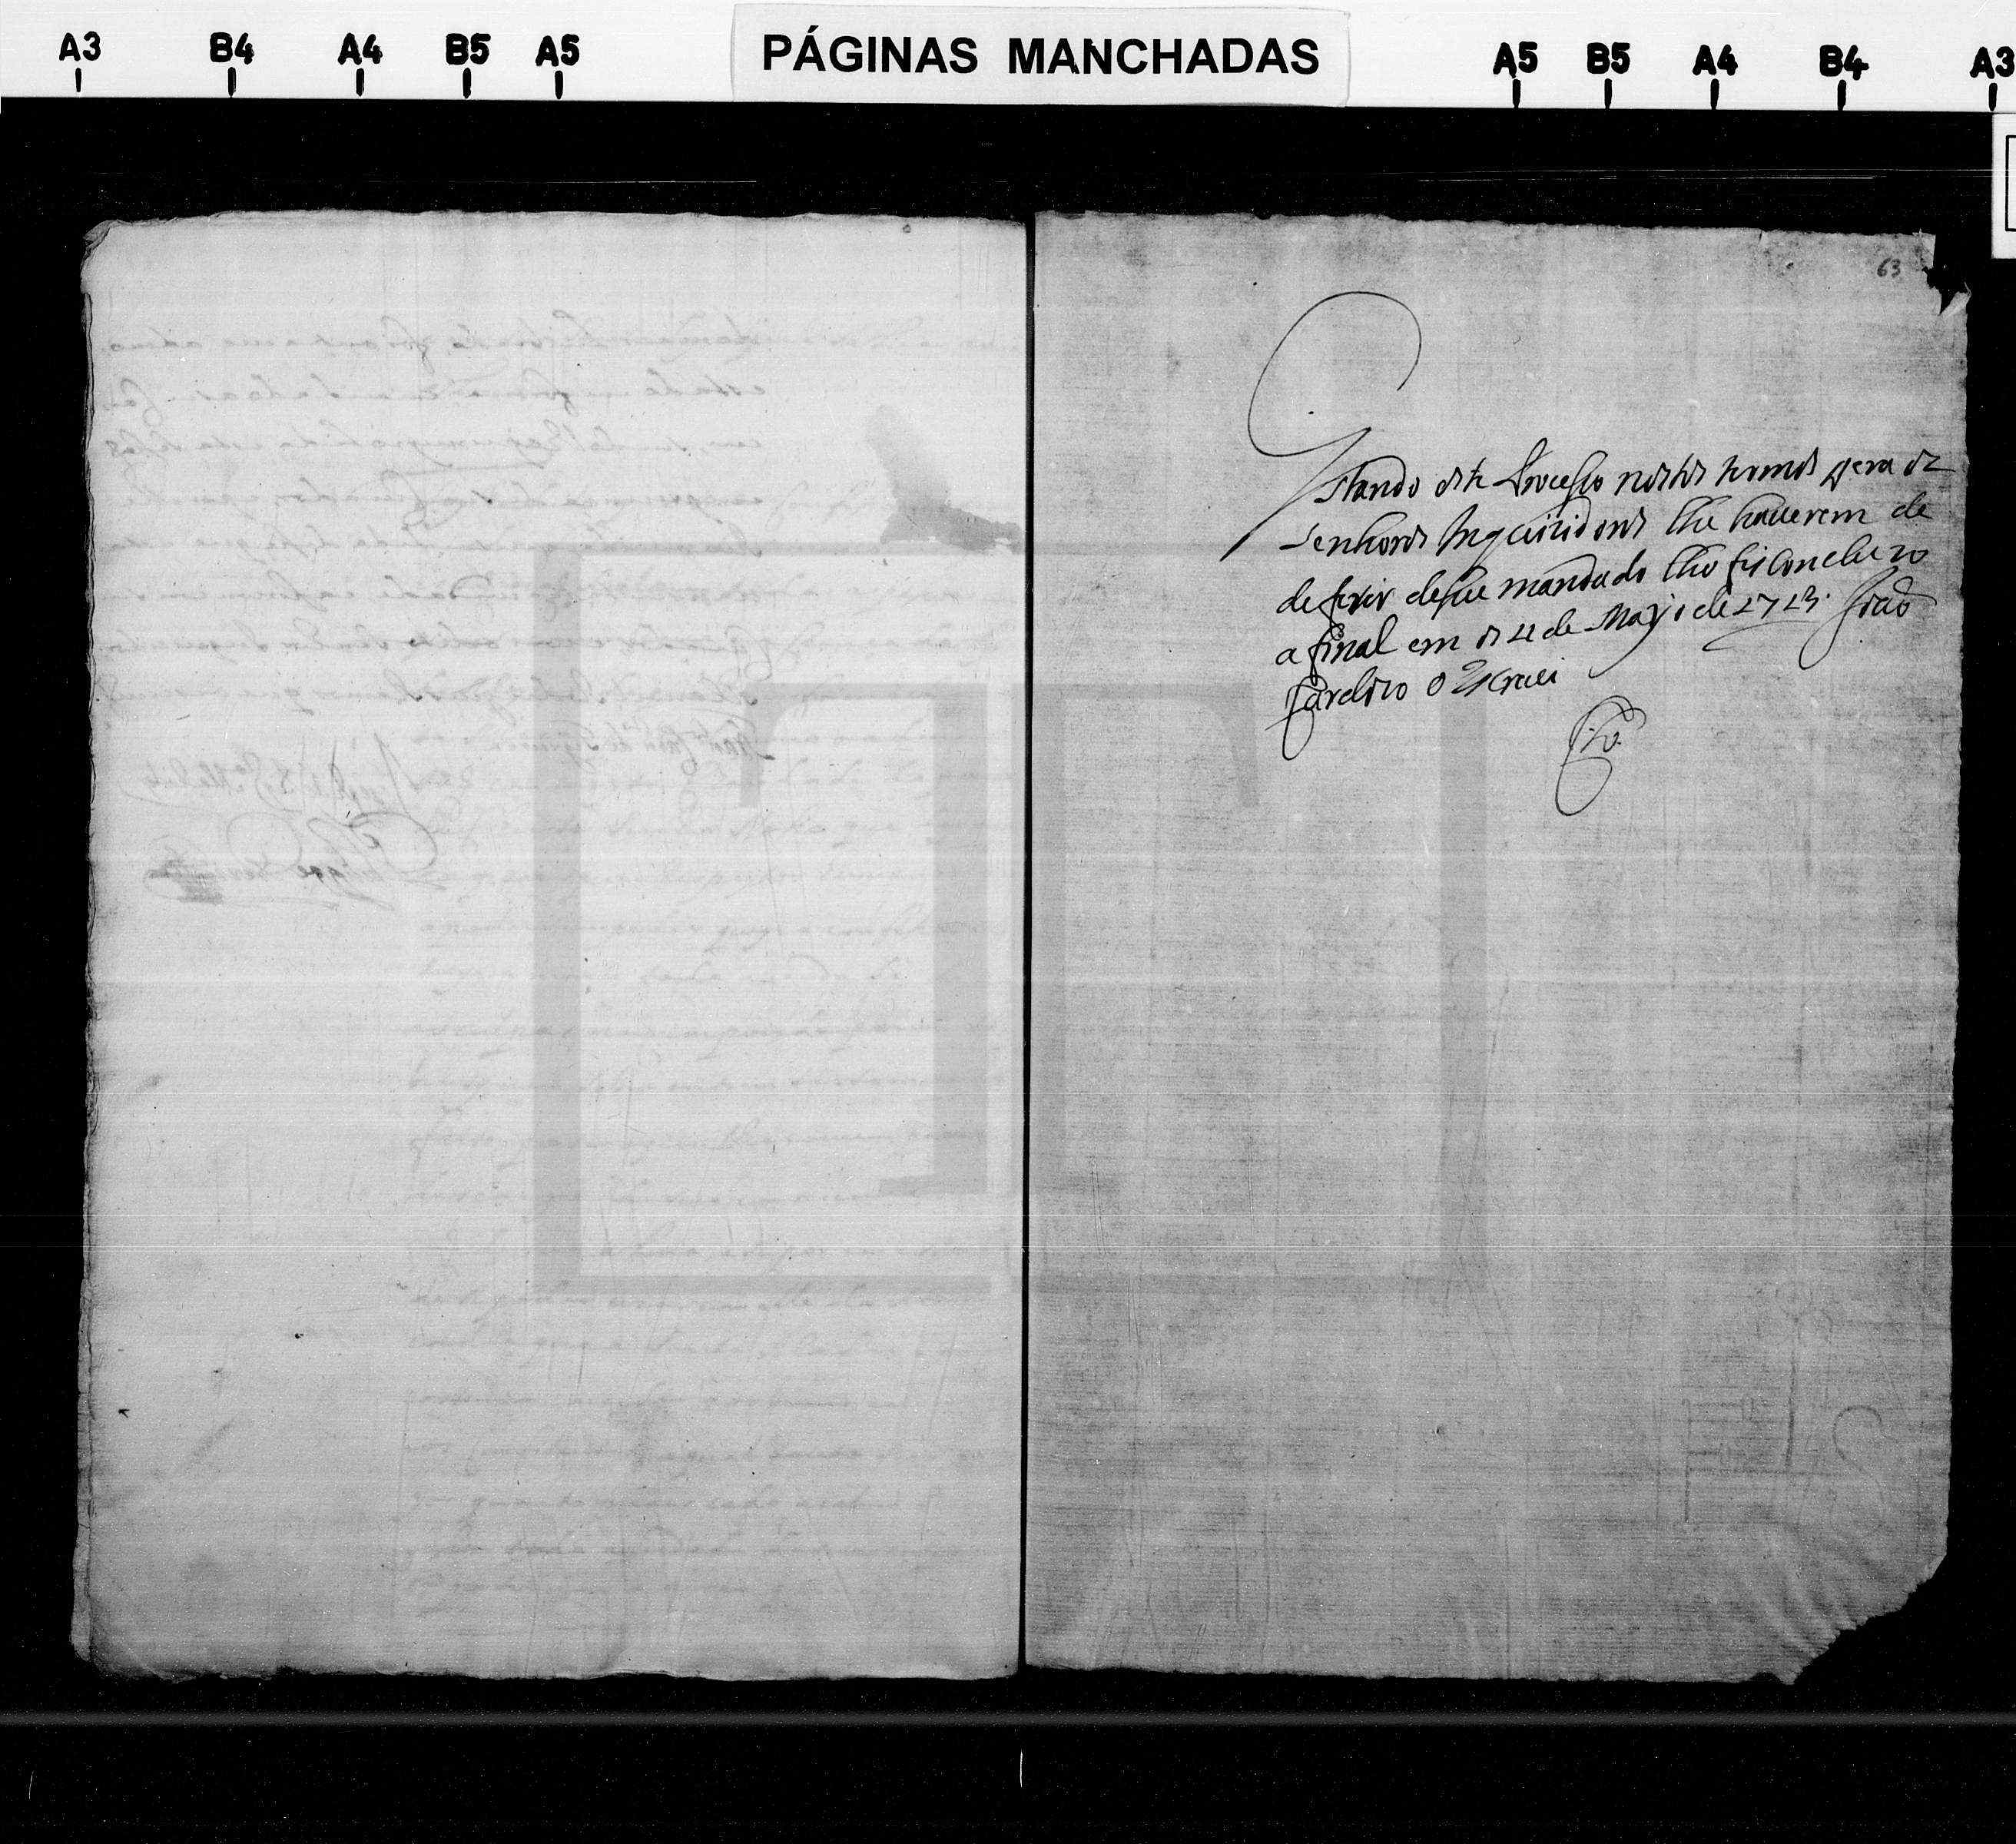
Estando este Processo nestes termos pera oz
senhores Inquizidores lhe hauerem de
deferir de seu mandado lho foi concluzo
afinal em os 11 de Mayo de 1713. Joaõ
Cardozo o Escreui
Clo.
